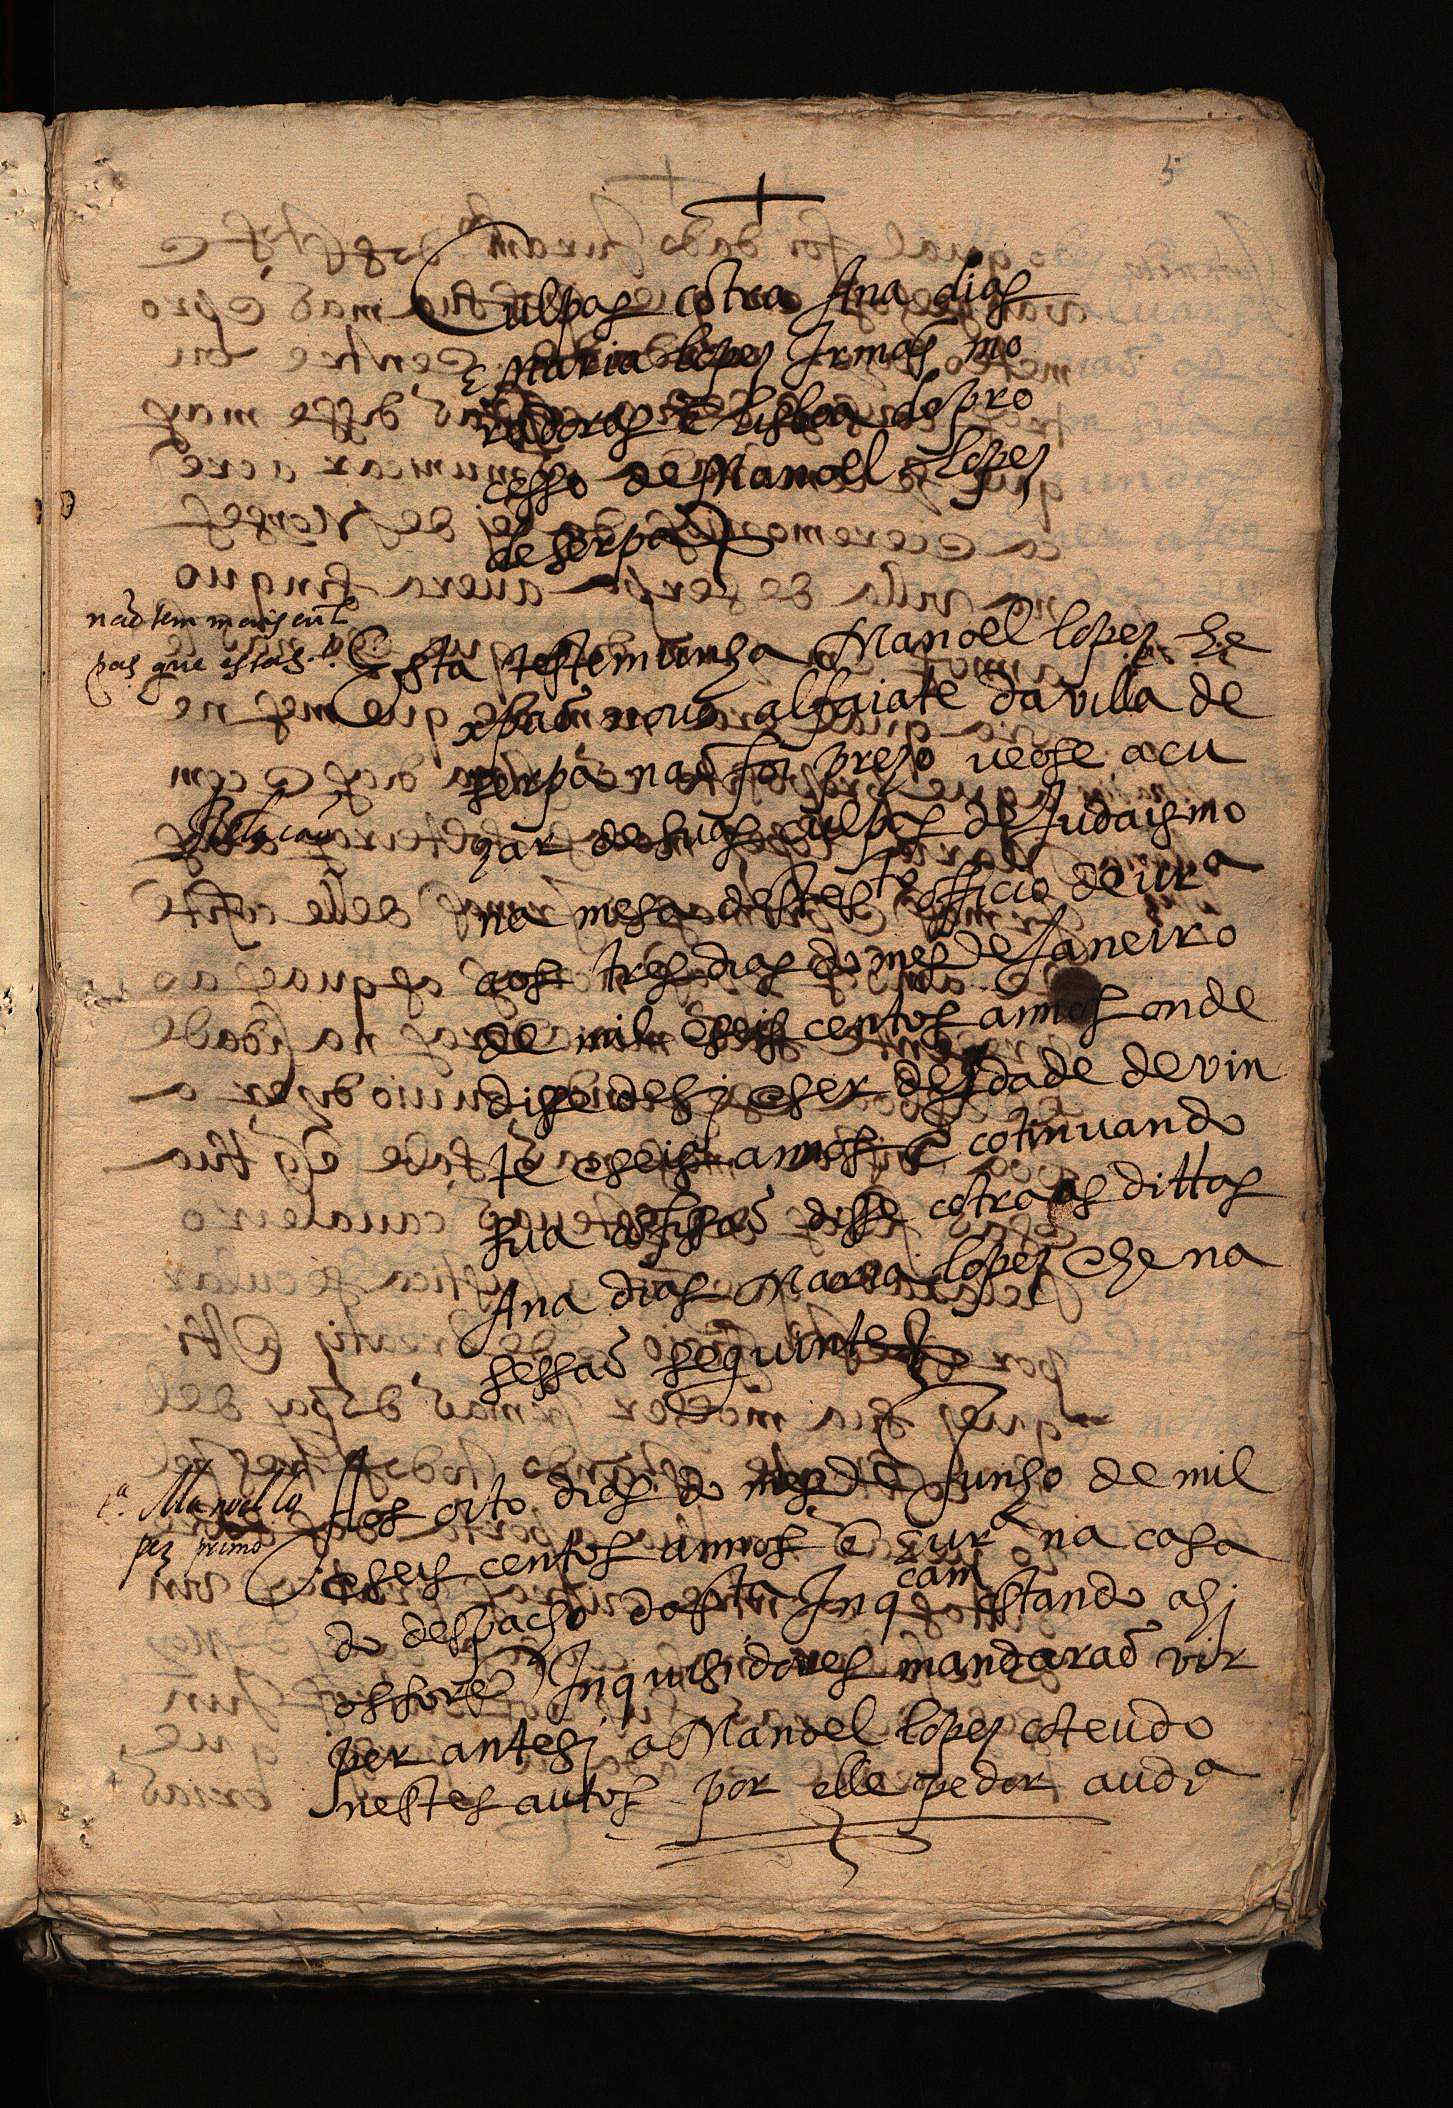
Culpas cōtra Ana dias
E Maria lopez Jrmas̄ mo
radoras ē lisboa do pro
cesso de Manoel lopez
de serpa
naõ tem mais cul
pas que estas.
Esta testemunha Manoel lopez he
xpaõ nouo alfaiate da villa de
serpa naõ foi prezo ueose acu
Relaçaõ
zar de suas culpas de Judaismo
na mesa deste sto officio deura
aos tres dias do mes de Janeiro
de mil e seiscentos annos onde
disse de sj e ser de jdade de vin
te e seis annos e cōtinuando
sua cōfissaõ disse cōtra as dittas
Ana dias Maria lopez e he na
sessaõ seguinte
Aos oito dias do mes de Junho de mil
ta Manuel lo
pez primo
e seiscentos annos ē Eura na casa
do despacho da sta Jnqçam estando ahj
os sores̄ Jnquisidores mandaraõ vir
perante sj a Manoel lopez cōteudo
nestes autos por elle peder audia
